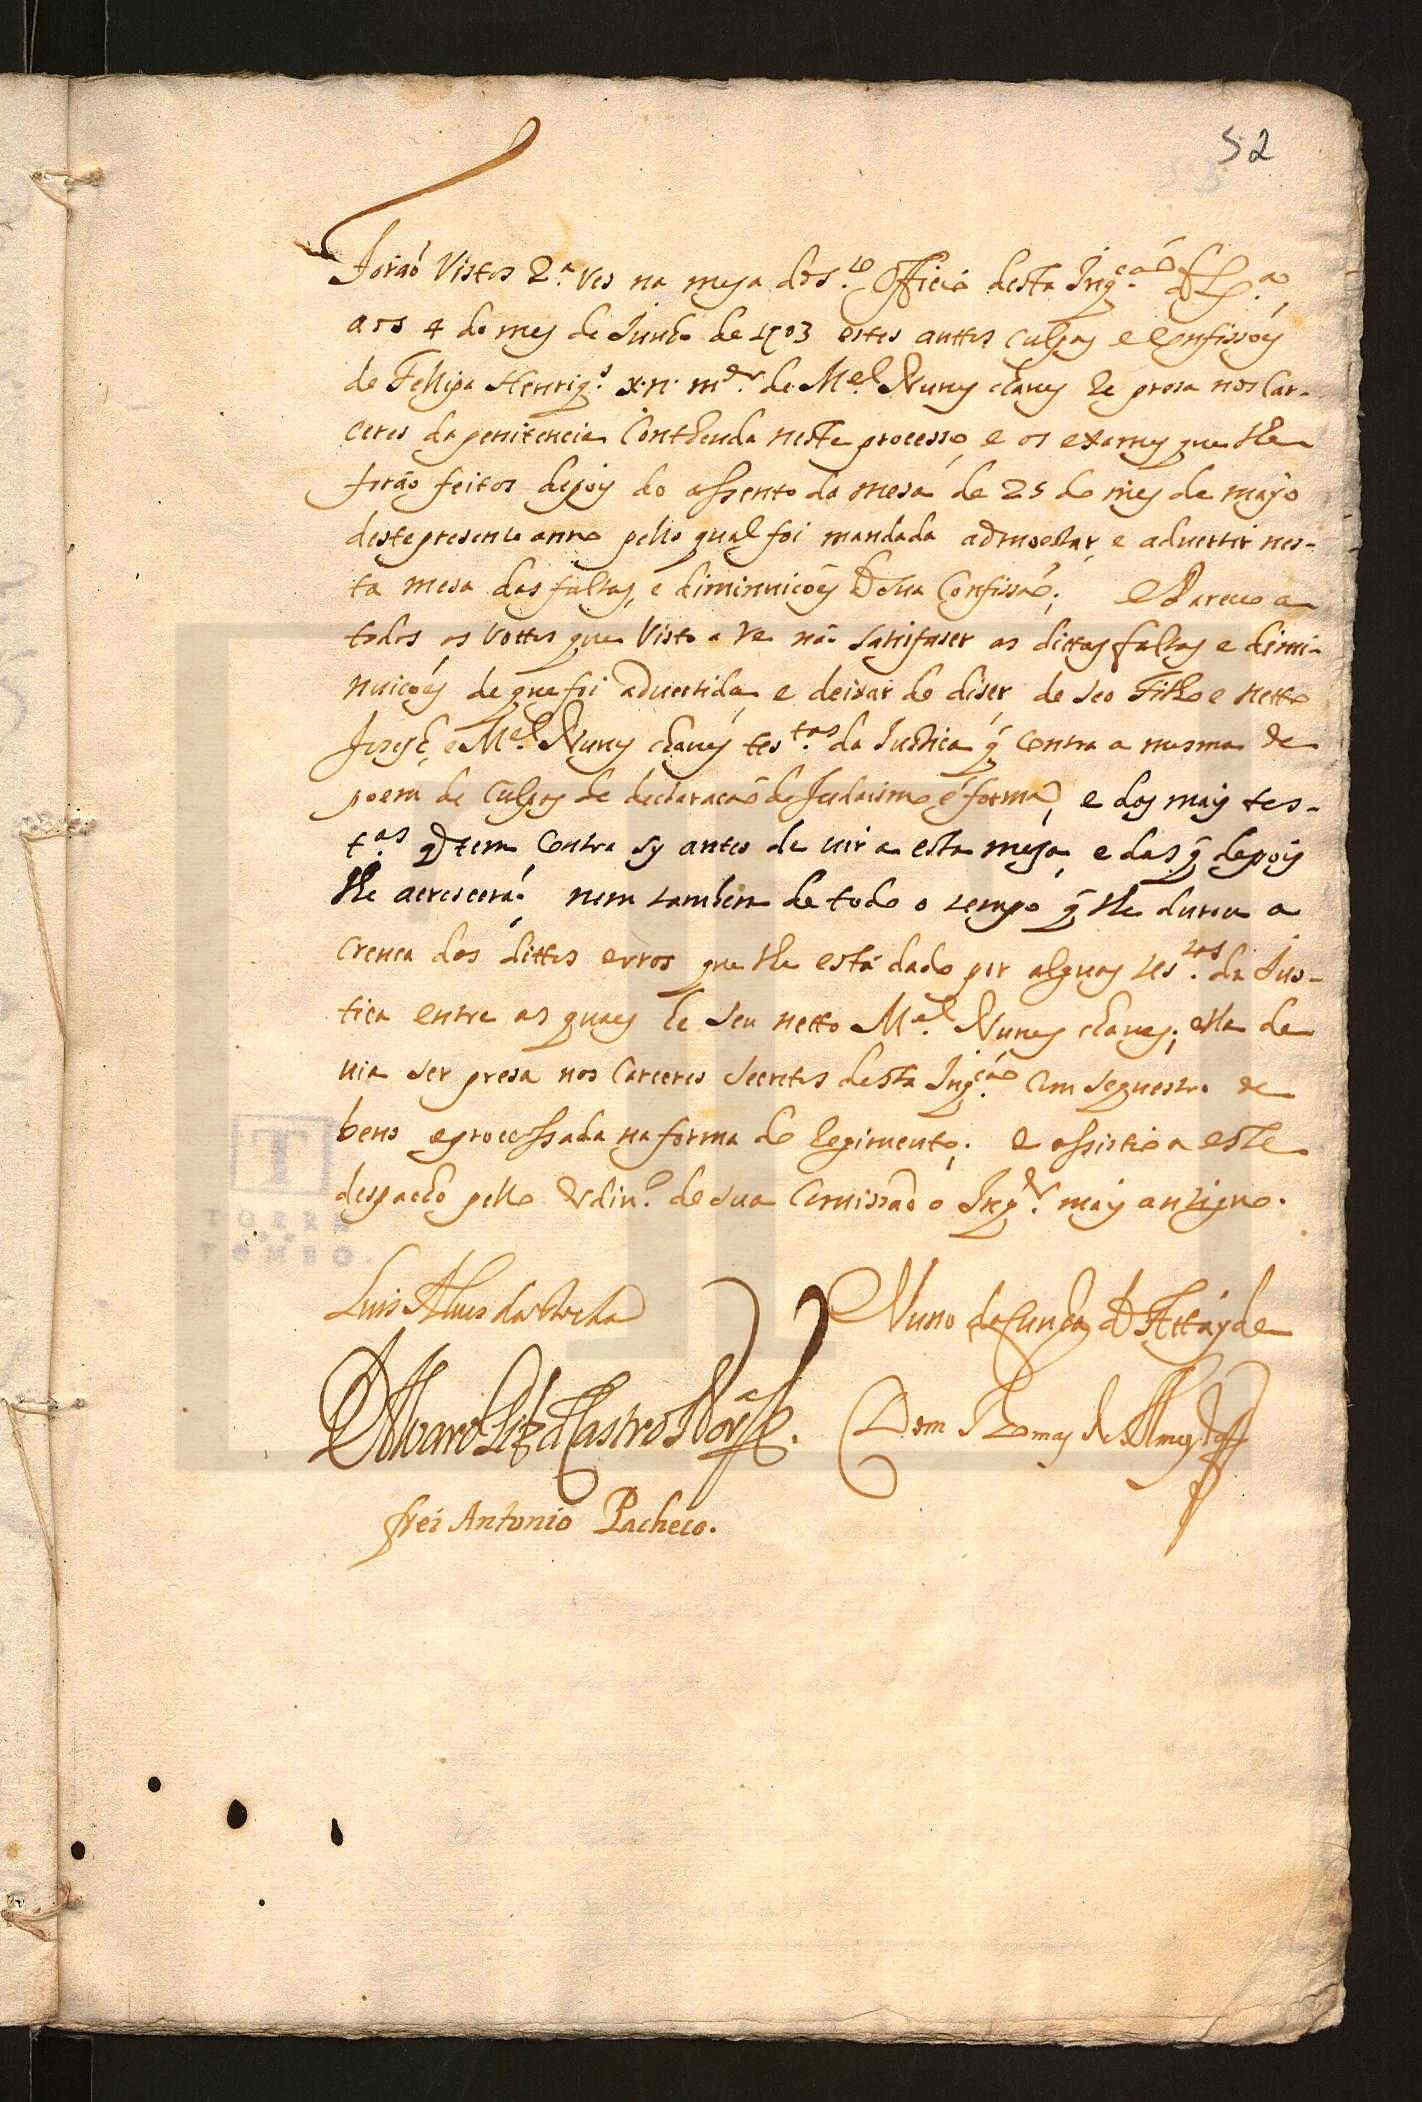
Foraõ Vistos 2.a ves na mesa do s.to Officio desta Inq.çaõ d̄ Lxa
aos 4 do mes de Iunho de 1703 estes auttos culpas e confissoẽs
de Fellipa Henriq. x.n. m.er de M.el Nunes chaues Re presa nos Car
ceres da penitencia Contheuda neste processo, e os exames que lhe
foraõ feitos depois do assento da mesa de 25 do mes de mayo
deste presente anno pello qual foi mandada admoestar, e aduertir nes
ta mesa das faltas, e diminuiçoẽs d̄ sua Confissaõ; E Pareceo a
todos os vottos que Visto a re naõ satisfaser as dittas faltas e dimi
nuiçoẽs de que foi aduertida, e deixar de diser, de seo Filho e netto
Joseph, e M.el Nunes chaues test.as da Iustiça q̄ contra a mesma de
poem de culpas de declaraçaõ de Judaismo ē forma, e das mais tes
t.as q̄ tem contra sy antes de uir a esta meza, e das q̄ depois
lhe acrescerā; nem tambem de todo o tempo q̄ lhe durou a
crença dos dittos erros que lhe está dado por alguas tes.tas da Ius
tiça entre as quaes he seu netto M.el Nunes chaues; ella de
uia ser presa nos carceres Secretos desta Inq.aõ com sequestro de
bens e processada na forma do Regimento; e assistio a este
despacho pello ordin.ro de sua Comissaõ o Inq.or mais antiguo.
Luis Alues da Rocha
Nuno de Cunha d̄ Attayde
Alvaro Piz̄ d̄ Castro Nora
Dom Thomas de Almeyda
frei Antonio Pacheco.
